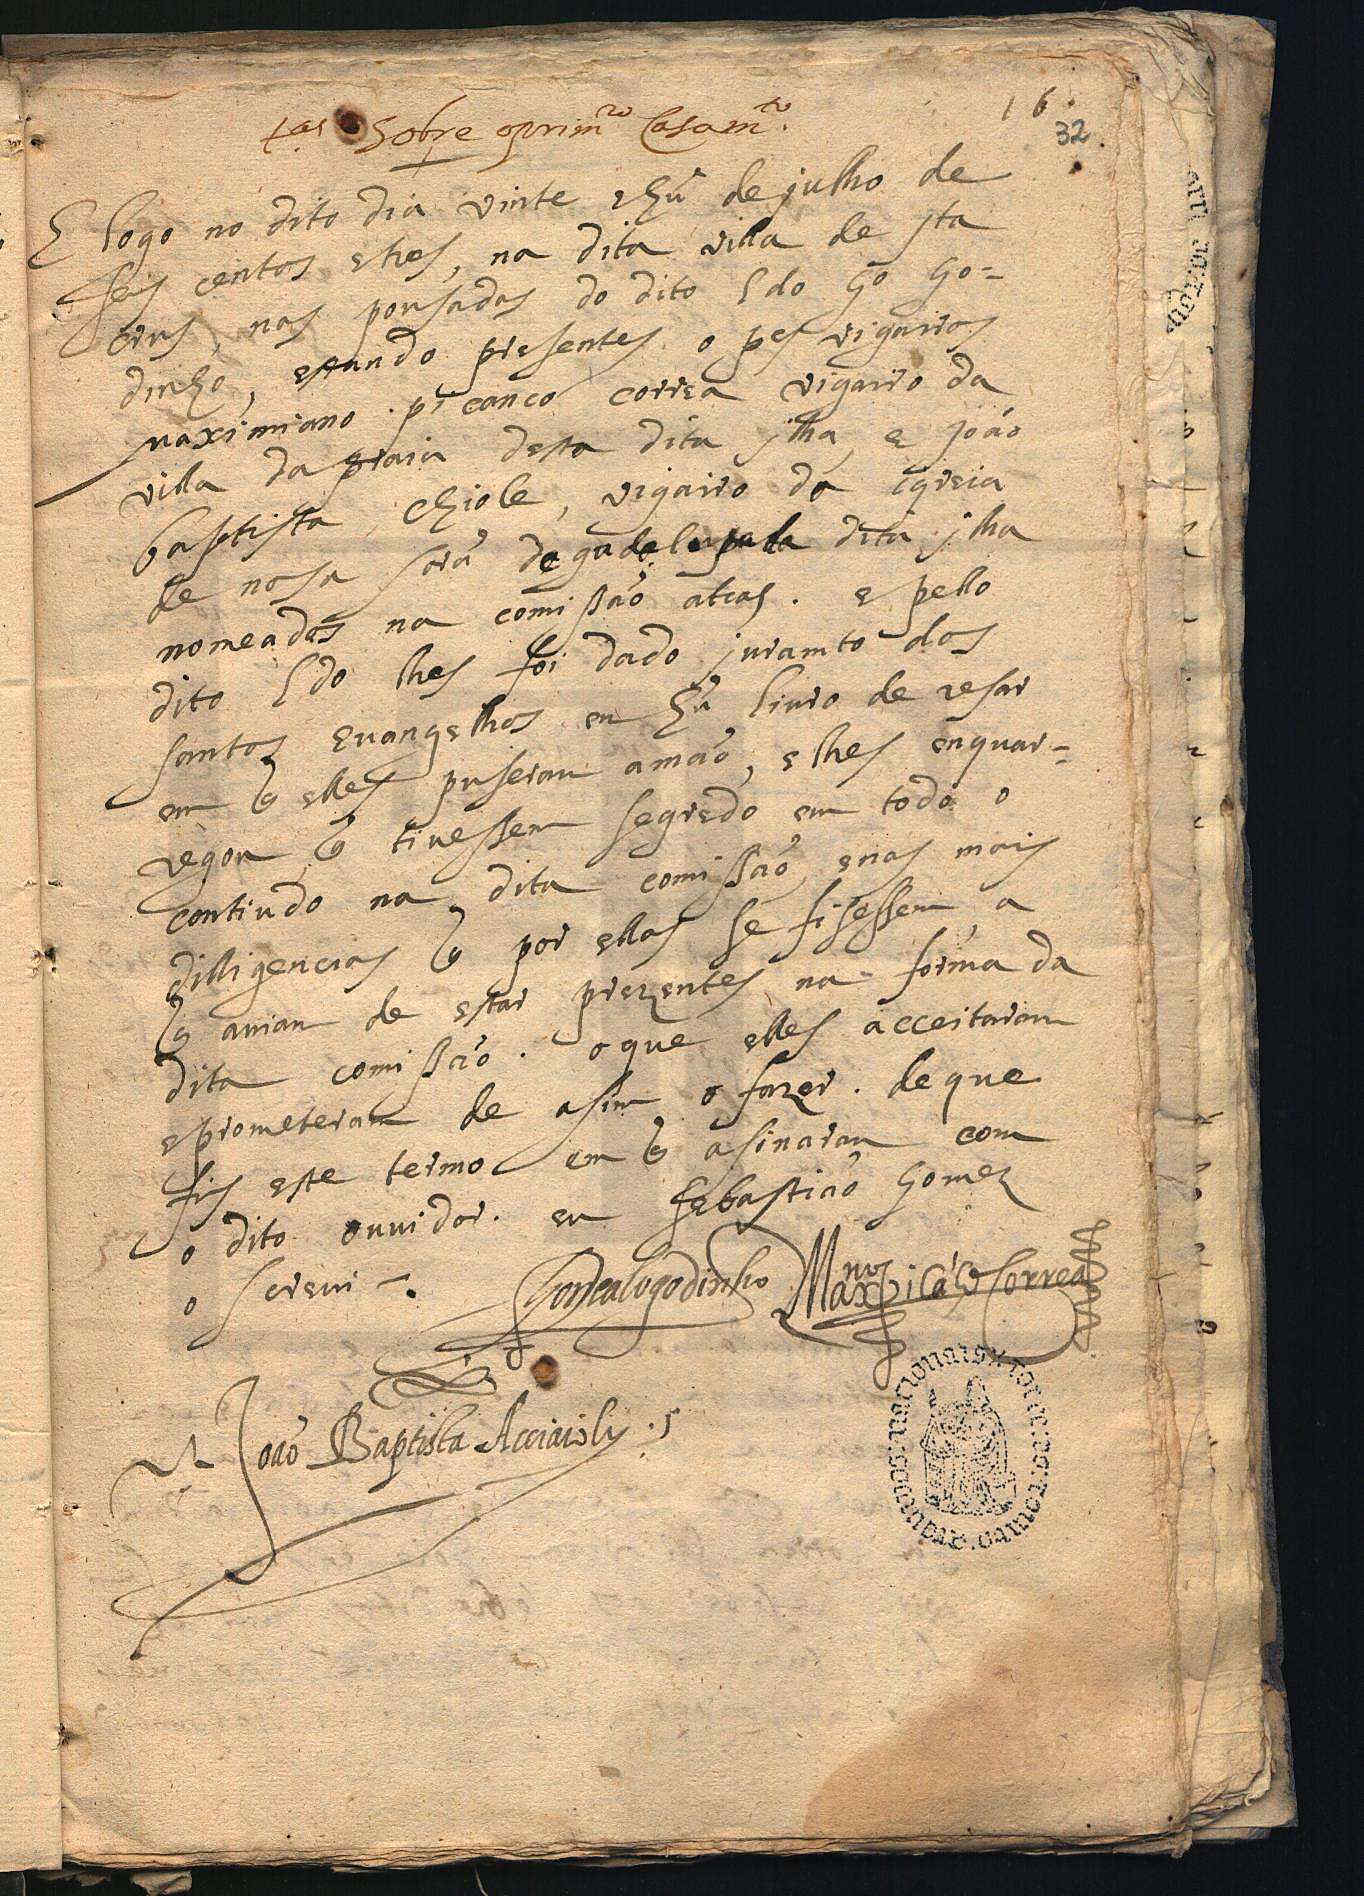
16.
t.as sobre o primro Casamto.
E logo no dito dia vinte E hū de julho de
seiscentos E tres, na dita villa de sta
crus, nas pousadas do dito Ldo Go Go
dinho, estando presentes o pes vigarios
maximiano picanço correa vigairo da
villa da praia desta dita jlha, e João
baptista chiole, vigairo da igreia
de nosa sorā de gadalupe da dita jlha
nomeados na comissaõ atras. E pello
dito ldo lhes foi dado juramto dos
santos Euangelhos em hū liuro de resas
em q̄ elles puseram a maõ, E lhes enquar
regou, q̄ tiuessem segredo em todo o
contiudo na dita comissaõ, e nas mais
dilligencias q̄ por Ellas se fisessem a
q̄ auiam de Estar prezentes na forma da
dita comissaõ. o que elles acceitaram
E prometeram de asim o fazer. de que
fis Este termo em q̄ asinaram com
o dito ouuidor. Eu sebastiaõ Gomez
o screui -.
Gonçalo Godinho
Maxno picāço Correa
Joaõ Baptista Acciaioly
